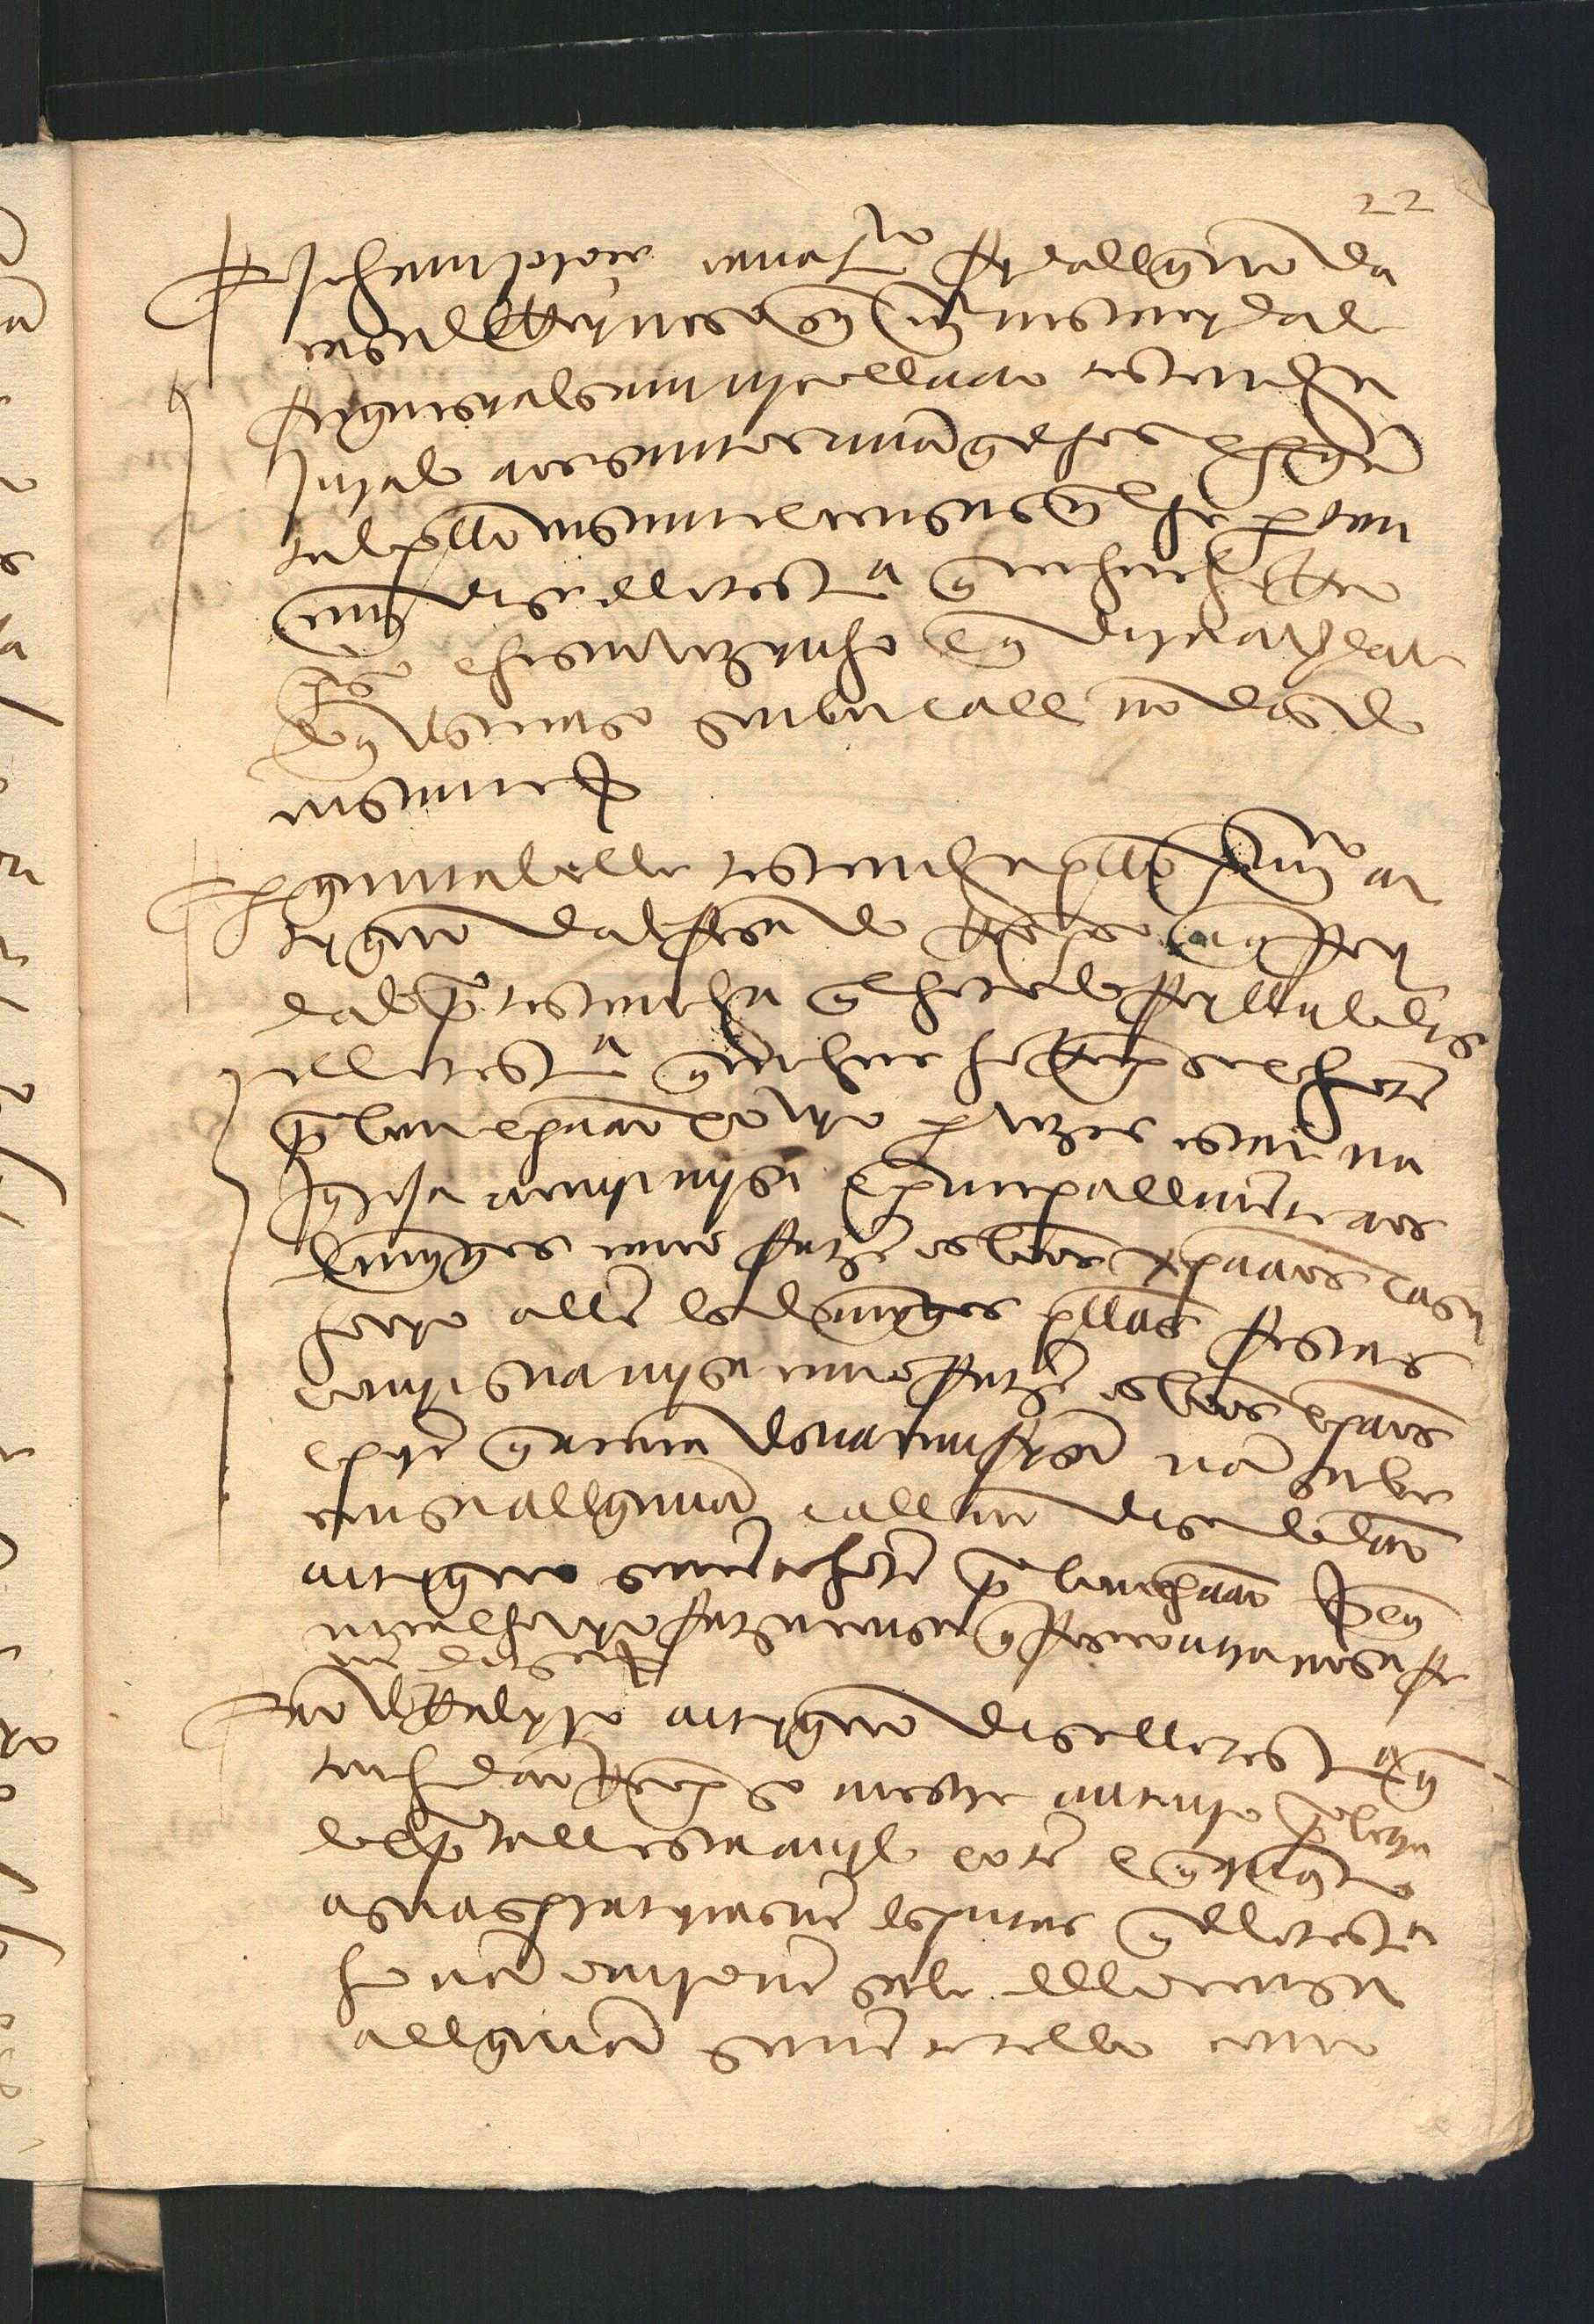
22
Rꝭ
item Joham proçe cauaLro fydallguo da
casa del Rey noso s̄r mor nesta cydade
freguesya de sam njcollaao testemha
Jurado aos santos auāgelhos e ꝑgū
tado p̄llo custume e cousas q̄ lhe ꝑten
cem dise elle testa q̄ conhece ho Reo
p̄so e he seu vezynho e q̄ dira a ꝟdade
do q̄ deste caso souber e all n̄o dise do
custume
item ꝑguntado elle testemunha p̄llo p̄mro ar
tyguo da defesa do Reo p̄so a q̄ foy
dado p̄o testemunha q̄ lhe todo foy llydo dise
elle testa q̄ conhece ho Reo p̄so e ho tē
p̄o bom xpaão e o vyo ꝑ vezes estar na
JgreJa a ouujr mjsa e p̄ncipallmēte aos
dom̄ygos como fazē os bōos xpaãos e asy
ho vyo allē de domȳgos p̄llas festas
ouujr sua mjsa como fazē os bōos x̄pãos
e porē q̄ acerca de sua comfysā nā sabe
cousa allguūa e all n̄o dise do dito
artiguo somēte ho tē p̄o bom xpaão e q̄
nuca lhe vyo fazer cousa q̄ fose contra nosa fe
nē dizer
item ao deRadeyro artyguo dise lle testa q̄
tē ho dito Reo p̄so mestre antonjo p̄o letra
do e p̄o tall esta aujdo e o tē e q̄ quāto
a suas pratycas nē desputas q̄ elle testa
ho nā ouujo nē sabe dello cousa
allguā somēte tello como
